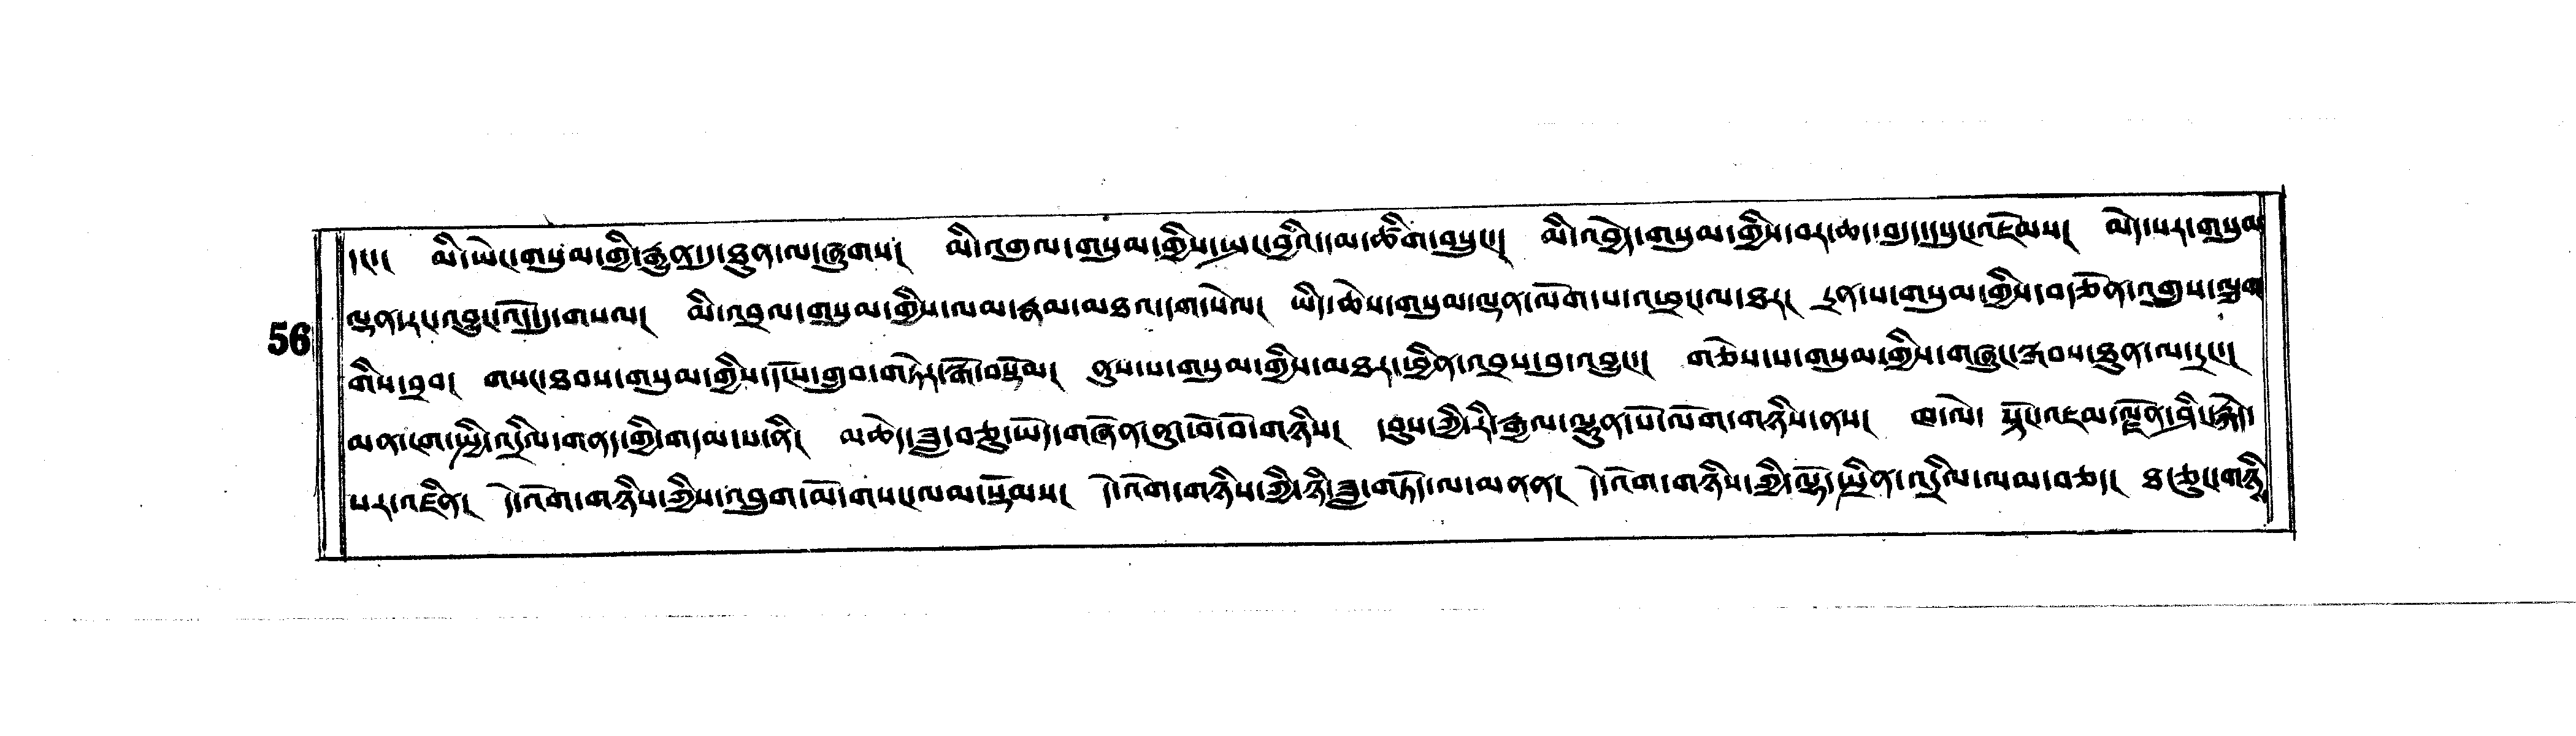དང་། མི་ཡེངས་གསུམ་གྱིས་རྒྱུན་དུ་ཐུགས་ལ་ཞུགས། མི་འགུལ་གསུམ་གྱིས་སྤང་བྱའི་དམ་ཚིག་བསྲུང་། མི་འབྱེད་གསུམ་གྱིས་བར་ཆད་བདུད་དཔུང་འཇོམ། མེད་པར་གསུམ་
ལྡན་རང་འབྱུང་འོད་དུ་གསལ། མི་འབྲལ་གསུམ་གྱིས་ལམ་རྣམས་མཐའ་དག་སེལ། ཡིད་ཆེས་གསུམ་ལྡན་ལོག་པ་འཕྲང་ལ་ཐར། དྲན་པ་གསུམ་གྱིས་བརྩོན་འགྲུས་ལྕག་
གིས་བྲབ། གསང་ཐབས་གསུམ་གྱིས་དངོས་གྲུབ་གཏེར་སྒོ་བསྡོམ། ནུས་པ་གསུམ་གྱིས་མཐར་ཕྱིན་འབྲས་བུ་འབྱུང་། གཅེས་པ་གསུམ་གྱིས་གཞུང་སྐབས་ཐུན་ལ་དྲང་། 
མན་ངག་སྤྱི་འདྲིལ་གནད་ཀྱི་གདམས་པ་ནི། མཆེད་ཟླ་བཅུ་ཡོད་གཞོན་ནུ་ཕོ་བོ་གཉིས། དབུས་ཀྱི་རི་རྒྱལ་ལྷུན་པོ་ལོག་གཉིས་ནས། ཁ་ལེ། སྟོང་འབྱམས་ལྗོན་ཤིང་རྐེད་
པར་འཛིན། དེ་འོག་གཉིས་ཀྱིས་འབྲུག་མོ་གསང་ལམ་སྡོམས། དེ་འོིག་གཉིས་ཀྱིས་ཉི་ཟླ་རྟོད་ལ་མནན། དེ་འོག་གཉིས་ཀྱིས་ལྷོ་སྤྲིན་འདྲིལ་ལམ་བཅད། ཐ་ཆུང་གཉིས་